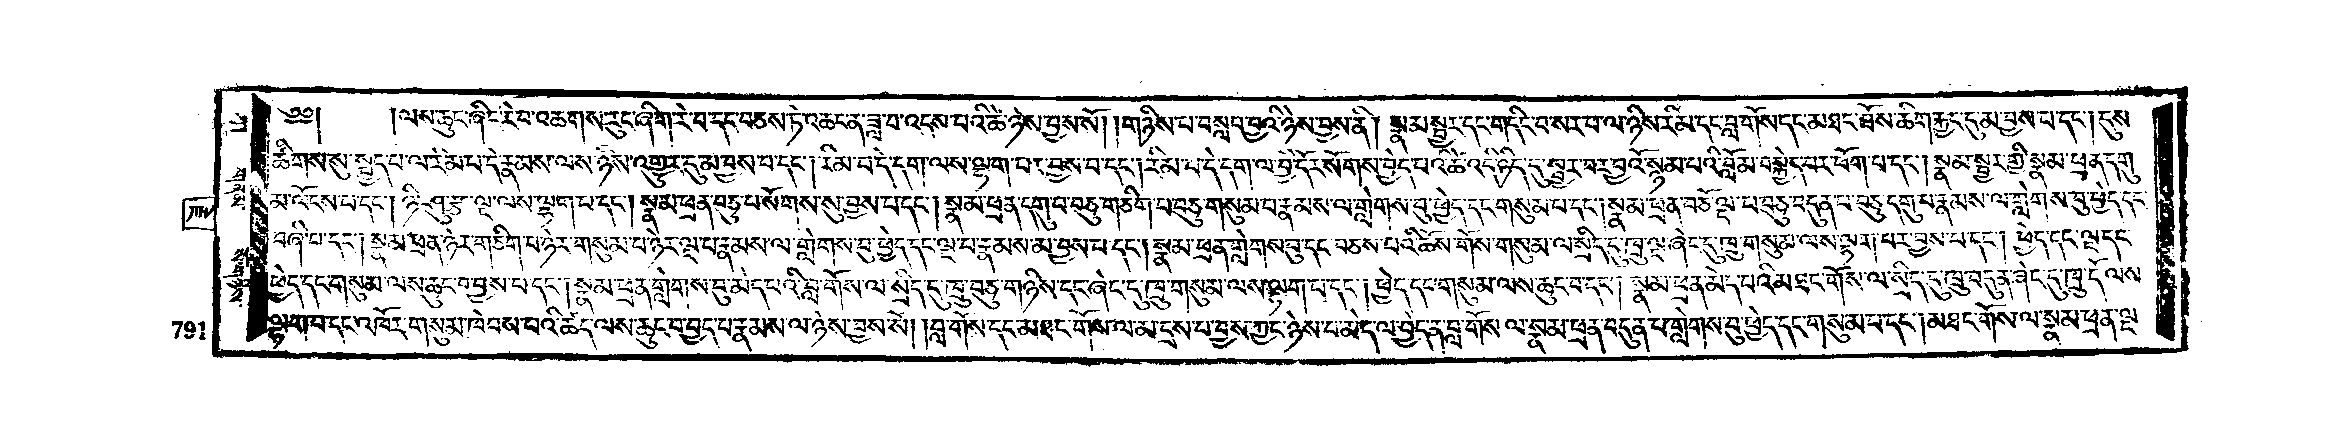༄༅། །ལས་ཆུང་ཞིང་རེ་བ་འཆགས་རུང་ཞིག་རེ་བ་དང་བཅས་ཏེ་འཆང་ན་ཟླ་བ་འདས་པའི་ཚེ་ཉེས་བྱས་སོ། །གཉིས་པ་བསླབ་བྱའི་ཉེས་བྱས་ནི། སྣམ་སྦྱར་དང་གདིང་བ་སར་བ་ལ་ཉིས་རིམ་དང་བླ་གོས་དང་མཐང་ཐོས་ཚིག་རྐྱང་དུ་མ་བྱས་པ་དང་། དུས་
ཚིགས་སུ་སྤྱད་པ་ལ་རིམ་པ་དེ་རྣམས་ལས་ཉིས་འགྱུར་དུ་མ་བྱས་པ་དང་། རིམ་པ་དེ་དག་ལས་ལྷག་པར་བྱས་པ་དང་། རིམ་པ་དེ་དག་ལ་བྱི་དོར་སོགས་བྱེད་པའི་ཚེ་འདི་ཉིད་དུ་སྦྱར་བར་བྱའོ་སྙམ་པའི་བློ་མ་བསྐྱེད་པར་ཕོག་པ་དང་། སྣམ་སྦྱར་གྱི་སྣམ་ཕྲན་དགུ་
མ་ལོངས་པ་དང་། ཉི་ཤུ་རྩ་ལྔ་ལས་ལྷག་པ་དང་། སྣམ་ཕྲན་བཅུ་པ་སོགས་སུ་བྱས་པ་དང་། སྣམ་ཕྲན་དགུ་བ་བཅུ་གཅིག་པ་བཅུ་གསུམ་པ་རྣམས་ལ་གླེགས་བུ་ཕྱེད་དང་གསུམ་པ་དང་། སྣམ་ཕྲན་བཅོ་ལྔ་པ་བཅུ་བདུན་པ་བཅུ་དགུ་པ་རྣམས་ལ་གླེགས་བུ་ཕྱེད་དང་
བཞི་པ་དང་། སྣམ་ཕྲན་ཉེར་གཅིག་པ་ཉེར་གསུམ་པ་ཉེར་ལྔ་པ་རྣམས་ལ་གླེགས་བུ་ཕྱེད་དང་ལྔ་པ་རྣམས་མ་བྱས་པ་དང་། སྣམ་ཕྲན་གླེགས་བུ་དང་བཅས་པའི་ཆོས་གོས་གསུམ་ལ་སྲིད་དུ་ཁྲུ་ལྔ་ཞེང་དུ་ཁྲུ་གསུམ་ལས་ལྷག་པར་བྱས་པ་དང་། ཕྱེད་དང་ལྔ་དང་
ཕྱེད་དང་གསུམ་ལས་ཆུང་བ་བྱས་པ་དང་། སྣམ་ཕྲན་གླེགས་བུ་མེད་པའི་བླ་གོས་ལ་སྲིད་དུ་ཁྲུ་བཅུ་གཉིས་དང་ཞེང་དུ་ཁྲུ་གསུམ་ལས་ལྷག་པ་དང་། ཕྱེད་དང་གསུམ་ལས་ཆུང་བ་དང་། སྣམ་ཕྲན་མེད་པའི་མཐང་གོས་ལ་སྲིད་དུ་ཁྲུ་བདུན་ཞེང་དུ་ཁྲུ་དོ་ལས་
ལྷག་པ་དང་འཁོར་གསུམ་ཁེབས་པའི་ཚད་ལས་ཆུང་བ་བྱད་པ་རྣམས་ལ་ཉེས་བྱས་སོ། །བླ་གོས་དང་མཐང་གོས་ལ་མ་དྲས་པ་བྱས་ཀྱང་ཉེས་པ་མེད་ལ་བྱེད་ན་བླ་གོས་ལ་སྣམ་ཕྲན་བདུན་པ་གླེགས་བུ་ཕྱེད་དང་གསུམ་པ་དང་། མཐང་གོས་ལ་སྣམ་ཕྲན་ལྔ་